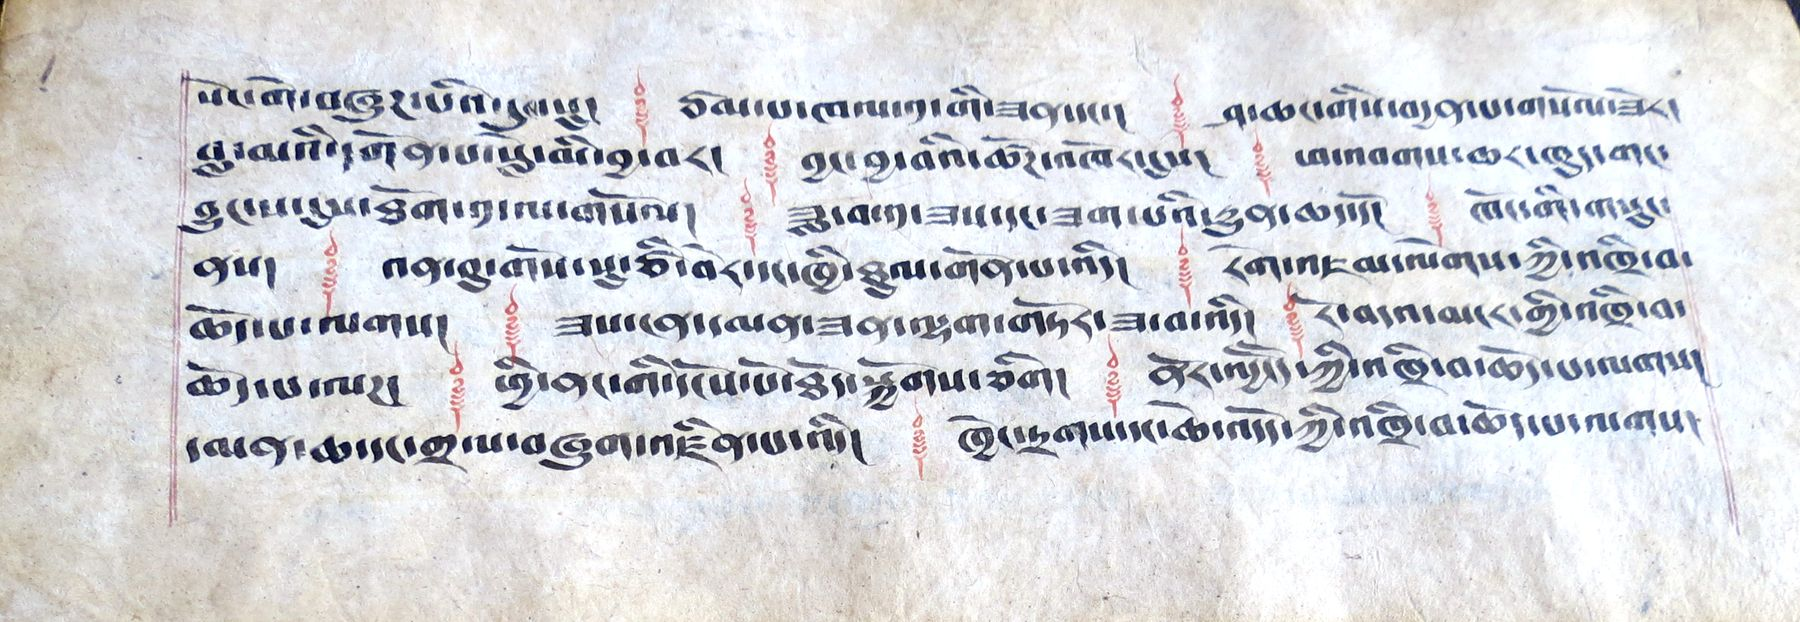སེང་གེ་བཞུགས་པའི་དུས་སུ། རྩམ་པ་ཁལ་གཅིག་གི་ཟན་དང་ཤ་ཆང་གིས་བརྒྱན་པ་གསོལ་ཟེར། 
བླ་མའི་དགོན་པ་སླེ་མི་བྱ་བར་བྱང་བྱ་བའི་ཚོགས་འཁོར་དུས། ཕ་འབབ་ཆར་ཁུད་གང་
བ་དུས་ཐོག་གཅིག་ལ་གསོལ། ཟླ་བ་གཅིག་ཟས་དང་ཟག་པའི་རྒྱུད་ཆད་དོ། ། ཁོང་གིས་གསུངས་
ནས། ཨ་བུ་གོས་སུ་རྩི་བེར་དང་ཁྱི་ཐུལ་གོན་པ་འདི། རེག་འཇམ་ལེགས་ཀྱི་འཁྲི་བ་
ཆོད་པ་ལགས་སམ། ཟས་ངན་དམན་ཟས་ལྷག་གཏོར་ཟ་བ་འདི། རོ་བདའ་མངར་གྱི་འཁྲི་བ་
ཆོད་པ་ལགས་སམ། ཕྱི་ནང་གི་དངོས་པོ་ཐོད་སྐྱོགས་ཅིག ནོར་ལོངས་སྤྱོད་ཀྱི་འཁྲི་བ་ཆོད་པ་ལགས་སམ། 
དམན་ཆ་དང་གྲལ་གཞུག་འཛིན་པ་འདི། ཁེང་གྲགས་དང་ཆེ་འདོད་ཀྱི་འཁྲི་བ་ཆོད་པ་ལགས།